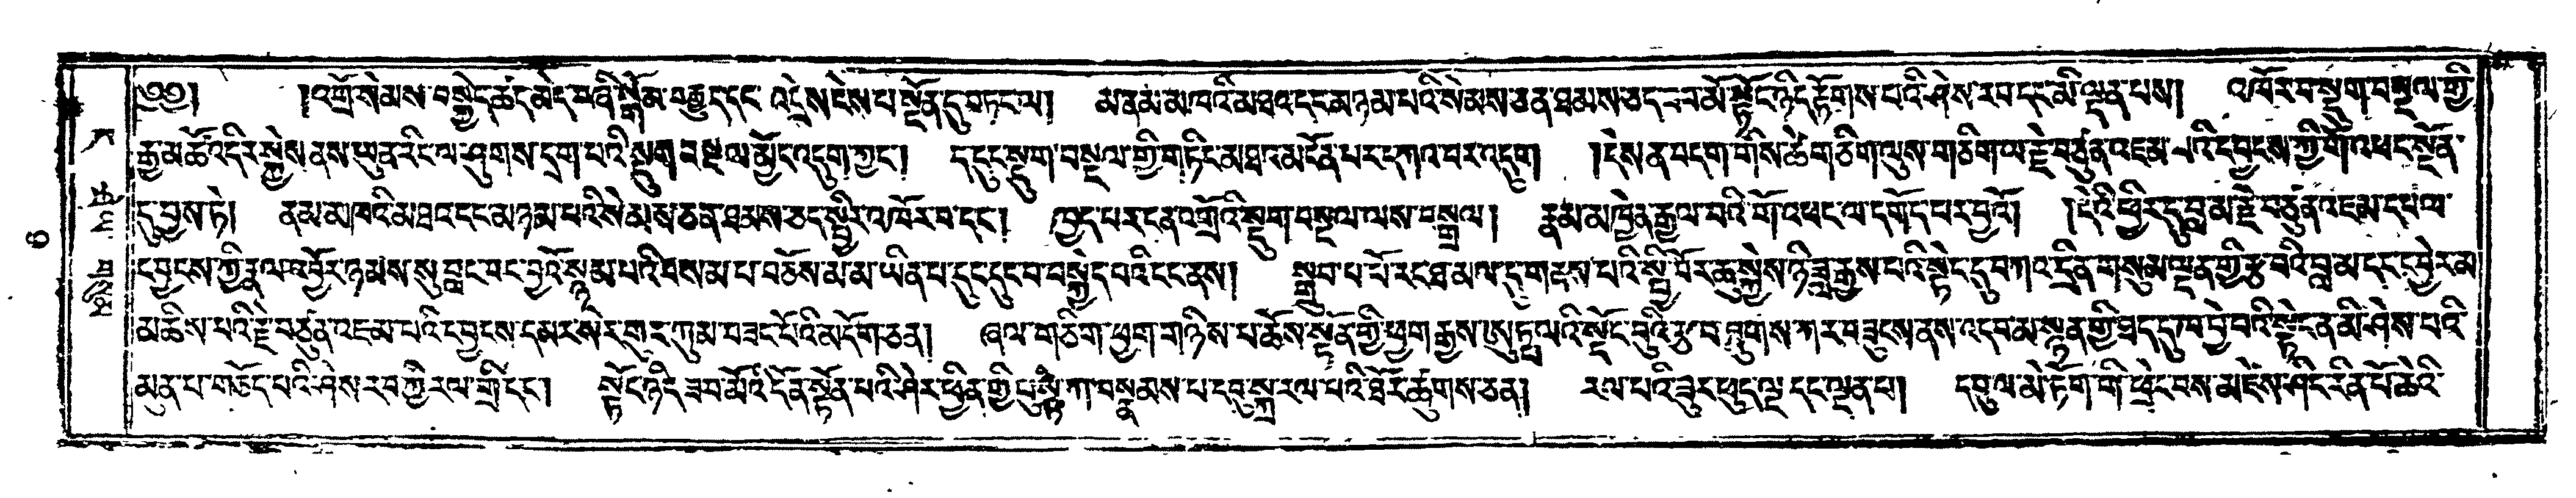༄༅། །འགྲོ་སེམས་བསྐྱེད་ཚད་མེད་བཞི་སྒོམ་བརྒྱུད་དང་འདྲེས་ངེས་པ་སྔོན་དུ་བཏང་ལ། མ་ནམ་མཁའི་མཐའ་དང་མཉམ་པའི་སེམས་ཅན་ཐམས་ཅད་ཟབ་མོ་སྟོང་ཉིད་རྟོགས་པའི་ཤེས་རབ་དང་མི་ལྡན་པས། འཁོར་བ་སྡུག་བསྔལ་གྱི་
རྒྱ་མཚོ་འདིར་སྐྱེས་ནས་ཡུན་རིང་ལ་ཤུགས་དྲག་པའི་སྡུག་བསྔལ་མྱོང་འདུག་ཀྱང་། ད་དུང་སྡུག་བསྔལ་གྱི་གཏིང་མཐའ་མངོན་པར་དཀའ་བར་འདུག །དེས་ན་བདག་གིས་ཚེ་གཅིག་ལུས་གཅིག་ལ་རྗེ་བཙུན་འཇམ་པའི་དབྱངས་ཀྱི་གོ་འཕང་སྔོན་
དུ་བྱས་ཏེ། ནམ་མཁའི་མཐའ་དང་མཉམ་པའི་སེམས་ཅན་ཐམས་ཅད་སྤྱིར་འཁོར་བ་དང་། ཁྱད་པར་ངན་འགྲོའི་སྡུག་བསྔལ་ལས་བསྒྲལ། རྣམ་མཁྱེན་རྒྱལ་བའི་གོ་འཕང་ལ་དགོད་པར་བྱའོ། །དེའི་ཕྱིར་དུ་བླ་མ་རྗེ་བཙུན་འཇམ་དཔལ་
དབྱངས་ཀྱི་རྣལ་འབྱོར་ཉམས་སུ་བླང་བང་བྱའོ་སྙམ་པའི་བསམ་པ་བཅོས་མ་མ་ཡིན་པ་དུང་དུང་བ་བསྐྱེད་པའི་ངང་ནས། སྒྲུབ་པ་པོ་རང་ཐ་མལ་དུ་གནས་པའི་སྤྱི་བོར་ཆུ་སྐྱེས་ཉི་ཟླ་རྒྱས་པའི་སྟེང་དུ་བཀའ་དྲིན་གསུམ་ལྡན་གྱི་རྩ་བའི་བླ་མ་དང་དབྱེར་མ་
མཆིས་པའི་རྗེ་བཙུན་འཇམ་པའི་དབྱངས་དམར་སེར་གུར་ཀུམ་བཟང་པོའི་མདོག་ཅན། ཞལ་གཅིག་ཕྱག་གཉིས་པ་ཆོས་སྟོན་གྱི་ཕྱག་རྒྱས་ཨུཏྤ་ལའི་སྡོང་བུའི་རྩ་བ་ཐུགས་ཀར་བཟུངས་ནས་འདབ་མ་སྙན་གྱི་ཐད་དུ་ཁ་བྱེ་བའི་སྟེང་ན་མི་ཤེས་པའི་
མུན་པ་གཅོད་པའི་ཤེས་རབ་ཀྱི་རལ་གྲི་དང་། སྟོང་ཉིད་ཟབ་མོའི་དོན་སྟོན་པའི་ཤེར་ཕྱིན་གྱི་པུསྟེ་ཀ་བསྣམས་པ་དབུ་སྐྲ་རལ་པའི་ཐོར་ཚུགས་ཅན། རལ་པའི་ཟུར་ཕུད་ལྔ་དང་ལྡན་པ། དབུ་ལ་མེ་ཏོག་གི་ཕྲེང་བས་མཛེས་ཤིང་རིན་པོ་ཆེའི་